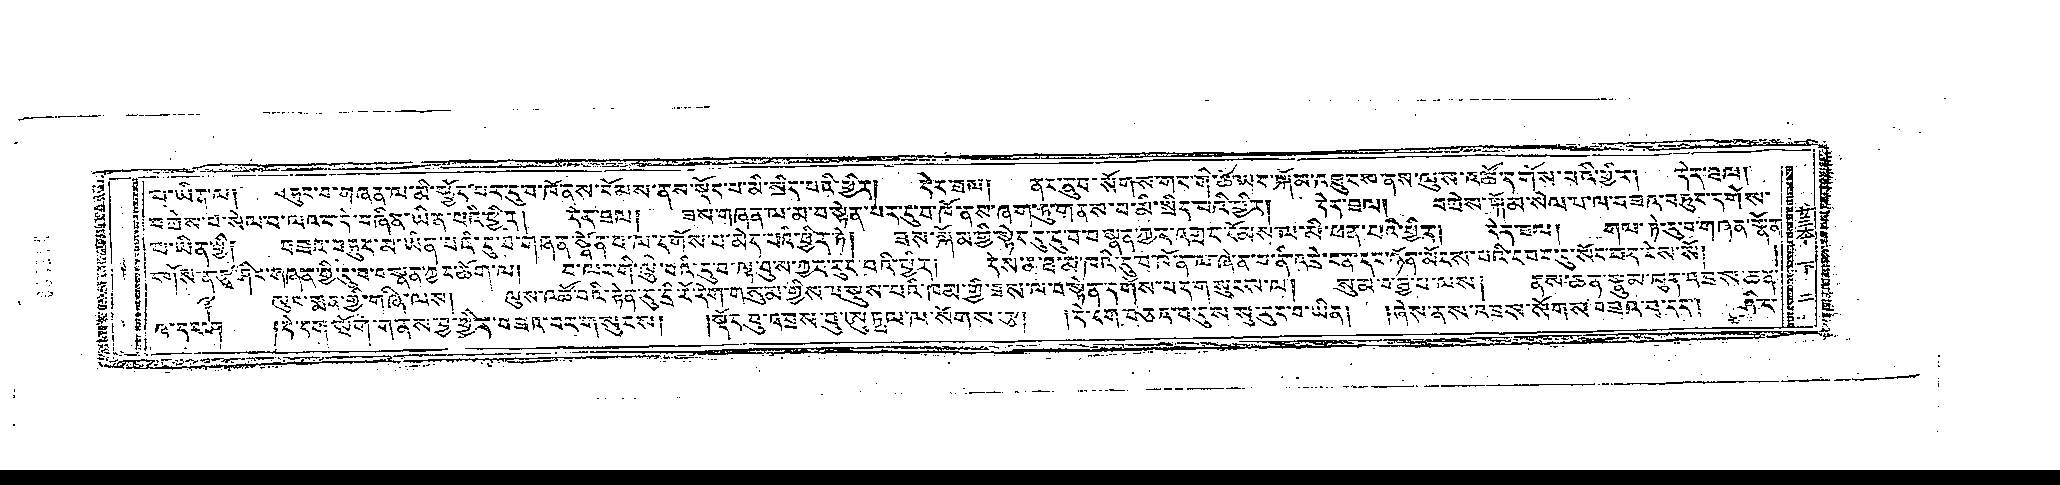པ་ཡིན་ལ། བཏུང་བ་གཞན་ལ་མི་སྤྱོད་པར་དུ་བ་ཁོ་ནས་ངོམས་ནས་སྡོང་པ་མི་སྲིད་པའི་ཕྱིར། དེར་ཐལ། ནང་ནུབ་སོགས་གང་གི་ཚེ་ཡང་སྐོམ་འཐུངས་ནས་ལུས་འཚོ་དགོས་པའི་ཕྱིར། དེར་ཐལ།
བཀྲེས་བ་སེལ་བ་ལའང་དེ་བཞིན་ཡིན་པའི་ཕྱིར། དེར་ཐལ། ཟས་གཞན་ལ་མ་བསྟེན་པར་དུ་བ་ཁོ་ནས་ཞག་ཏུ་གནས་པ་མི་སྲིད་པའི་ཕྱིར། དེར་ཐལ། བཀྲེས་སྐོམ་སེལ་བ་ལ་བཟའ་བཏུང་དགོས་
པ་ཡིན་གྱི། བཟའ་བཏུང་མ་ཡིན་པའི་དུ་བ་གཞན་སྟོན་པ་ལ་དགོས་པ་མེད་པའི་ཕྱིར་ཏེ། ཕྲས་སྐོམ་གྱི་སྟེང་དུ་དུ་བ་བསྣན་ཀྱང་འགྲང་དོམས་ལ་མི་ཕན་པའི་ཕྱིར། དེར་ཐལ། གལ་ཏེ་དུ་བ་གཞན་སྣོན་
དགོས་ན་རྩ་ཤིང་གཞན་གྱི་དུ་བ་བསྣན་ཀྱང་ཆོག་ལ། བ་ལང་གི་ལྕི་བའི་དུ་བ་ལྟ་བུས་ཀྱང་རུང་བའི་ཕྱིར། དེས་ན་ཐ་མ་ཁའི་དུ་བ་ཁོ་ན་ལ་ཞེན་པ་ནི་འདྲེ་དན་དང་ཉོན་མོངས་པའི་དབང་དུ་སོང་པར་དེས་སོ། །
༈ ལུང་སྨན་གྱི་གཞི་ལས། ལུས་འཚོ་བའི་རྟེན་དུ་དྲི་རོ་རེག་གསུམ་གྱིས་བསྡུས་པའི་ཁམ་གྱི་ཟས་ལ་བསྟེན་དགོས་པར་གསུངས་ལ། སུམ་བ་རྒྱ་པ་ལས། ནས་ཆེན་སྣུམ་ཁུར་འབྲས་ཆེན་
ཞ་དང་ཤ་།དེ་དག་སྲོག་གནས་བྱ་ཕྱིར་བཟའ་བར་གསུངས། །སྡོང་བུ་འབྲས་བུ་ཨུཏྤལ་ལ་སོགས་རྩྭ། །དེ་དག་བཅའ་བ་དུས་སུ་རུང་པ་ཡིན། །ཞེས་ནས་འབྲས་སོགས་བཟའ་བ་དང་། ཤིང་